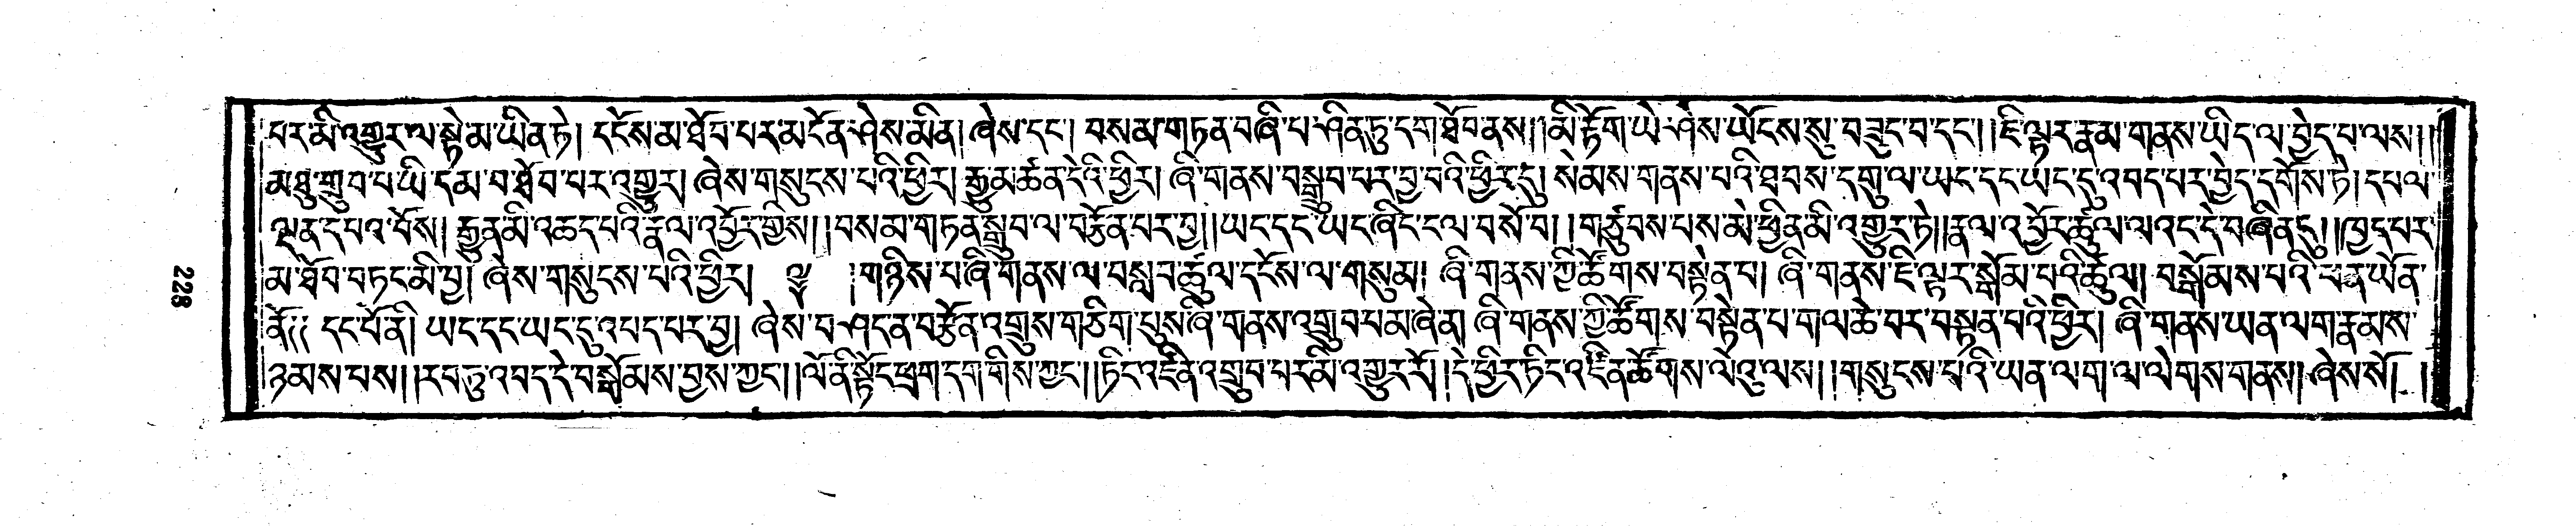བར་མི་འགྱུར་ལ་སྟེ་མ་ཡིན་ཏེ། དངོས་མ་ཐོབ་པར་མངོན་ཤེས་མིན། ཞེས་དང་། བསམ་གཏན་བཞི་པ་ཤིན་ཏུ་དག་ཐོབ་ནས། །མི་རྟོག་ཡེ་ཤེས་ཡོངས་སུ་བཟུང་བ་དང་། །ཇི་ལྟར་རྣམ་གནས་ཡིད་ལ་བྱེད་པ་ལས། །
མཐུ་གྲུབ་པ་ཡི་དམ་པ་ཐོབ་པར་འགྱུར། ཞེས་གསུངས་པའི་ཕྱིར། རྒྱུ་མཚན་དེའི་ཕྱིར། ཞི་གནས་བསྒྲུབ་པར་བྱ་བའི་ཕྱིར་དུ། སེམས་གནས་པའི་ཐབས་དགུ་ལ་ཡང་དང་ཡང་དུ་འབད་པར་བྱེད་དགོས་ཏེ། དཔལ་
ལྡན་དཔའ་བོས། རྒྱུན་མི་འཆད་པའི་རྣལ་འབྱོར་གྱིས། །བསམ་གཏན་སྒྲུབ་ལ་བརྩོན་པར་བྱ། །ཡང་དང་ཡང་ཞིང་ངལ་བསོ་བ། །གཙུབས་པས་མེ་ཕྱིན་མི་འགྱུར་ཏེ། །རྣལ་འབྱོར་ཚུལ་ལའང་དེ་བཞིན་དུ། །ཁྱད་པར་
མ་ཐོབ་བཏང་མི་བྱ། ཞེས་གསུངས་པའི་ཕྱིར། ༈ །གཉིས་པ་ཞི་གནས་ལ་བསླབ་ཚུལ་དངོས་ལ་གསུམ། ཞི་གནས་ཀྱི་ཚོགས་བསྟེན་པ། ཞི་གནས་ཇི་ལྟར་སྒོམ་པའི་ཚུལ། བསྒོམས་པའི་ཕན་ཡོན་
ནོ། །དང་པོ་ནི། ཡང་དང་ཡང་དུ་འབད་པར་བྱ། ཞེས་བཤད་ན་བརྩོན་འགྲུས་གཅིག་པུས་ཞི་གནས་འགྲུབ་པ་མ་ཞེ་ན། ཞི་གནས་ཀྱི་ཚོགས་བསྟེན་པ་གལ་ཆེ་བར་བསྟན་པའི་ཕྱིར། ཞི་གནས་ཡན་ལག་རྣམས་
ཉམས་པས། །རབ་ཏུ་འབད་དེ་བསྒོམས་བྱས་ཀྱང་། །ལོ་ནི་སྟོང་ཕྲག་དག་གིས་ཀྱང་། །ཏིང་འཛིན་འགྲུབ་པར་མི་འགྱུར་རོ། །དེ་ཕྱིར་ཏིང་འཛིན་ཚོགས་ལེའུ་ལས། །གསུངས་པའི་ཡན་ལག་ལ་ལེགས་གནས། ཞེས་སོ། །